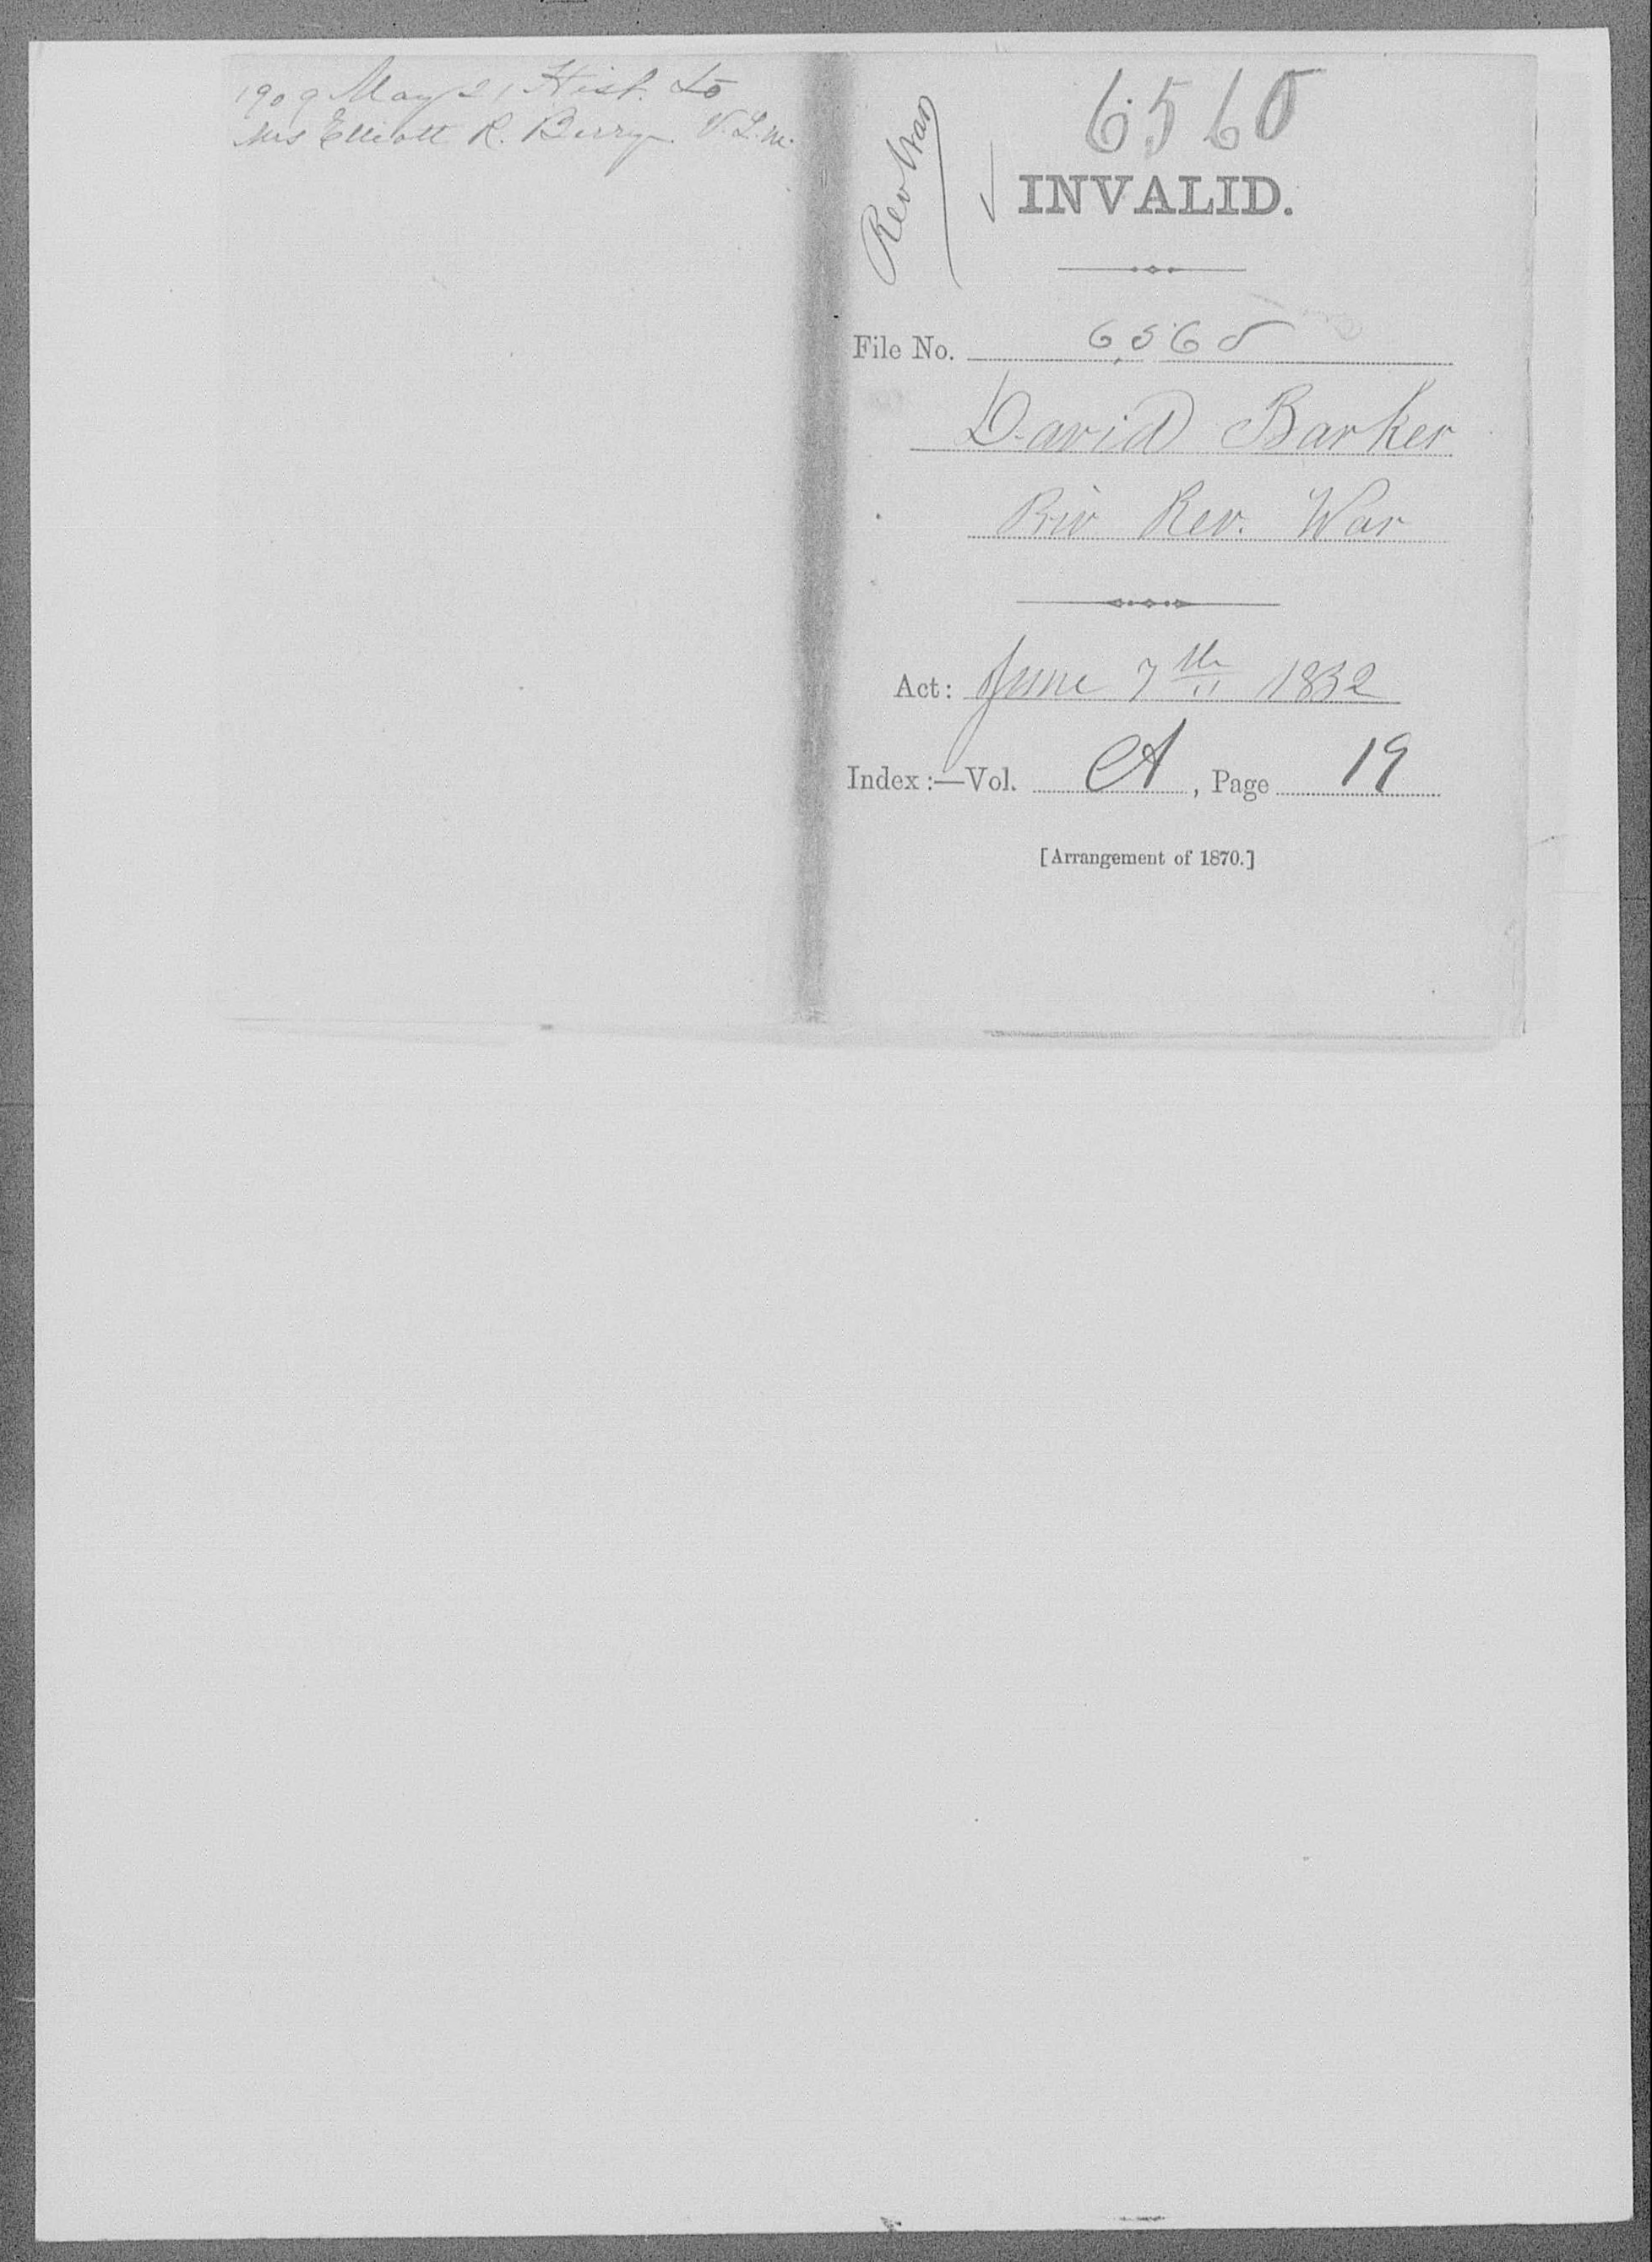[typed form, with handwritten responses]

[left side – 1909 May 21 Hist. To Mrs Elliot R. Berry V.L.M.]

Revy War 6560
INVALID

File No. 6560
David Barker
Priv Rev War

Act: July 7th, 1832
Index: - Vol. A, Page 19

[Arrangement of 1870.]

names: David Barker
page: 16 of 23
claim: survivor's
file: S. 6560, David Barker, N.C.